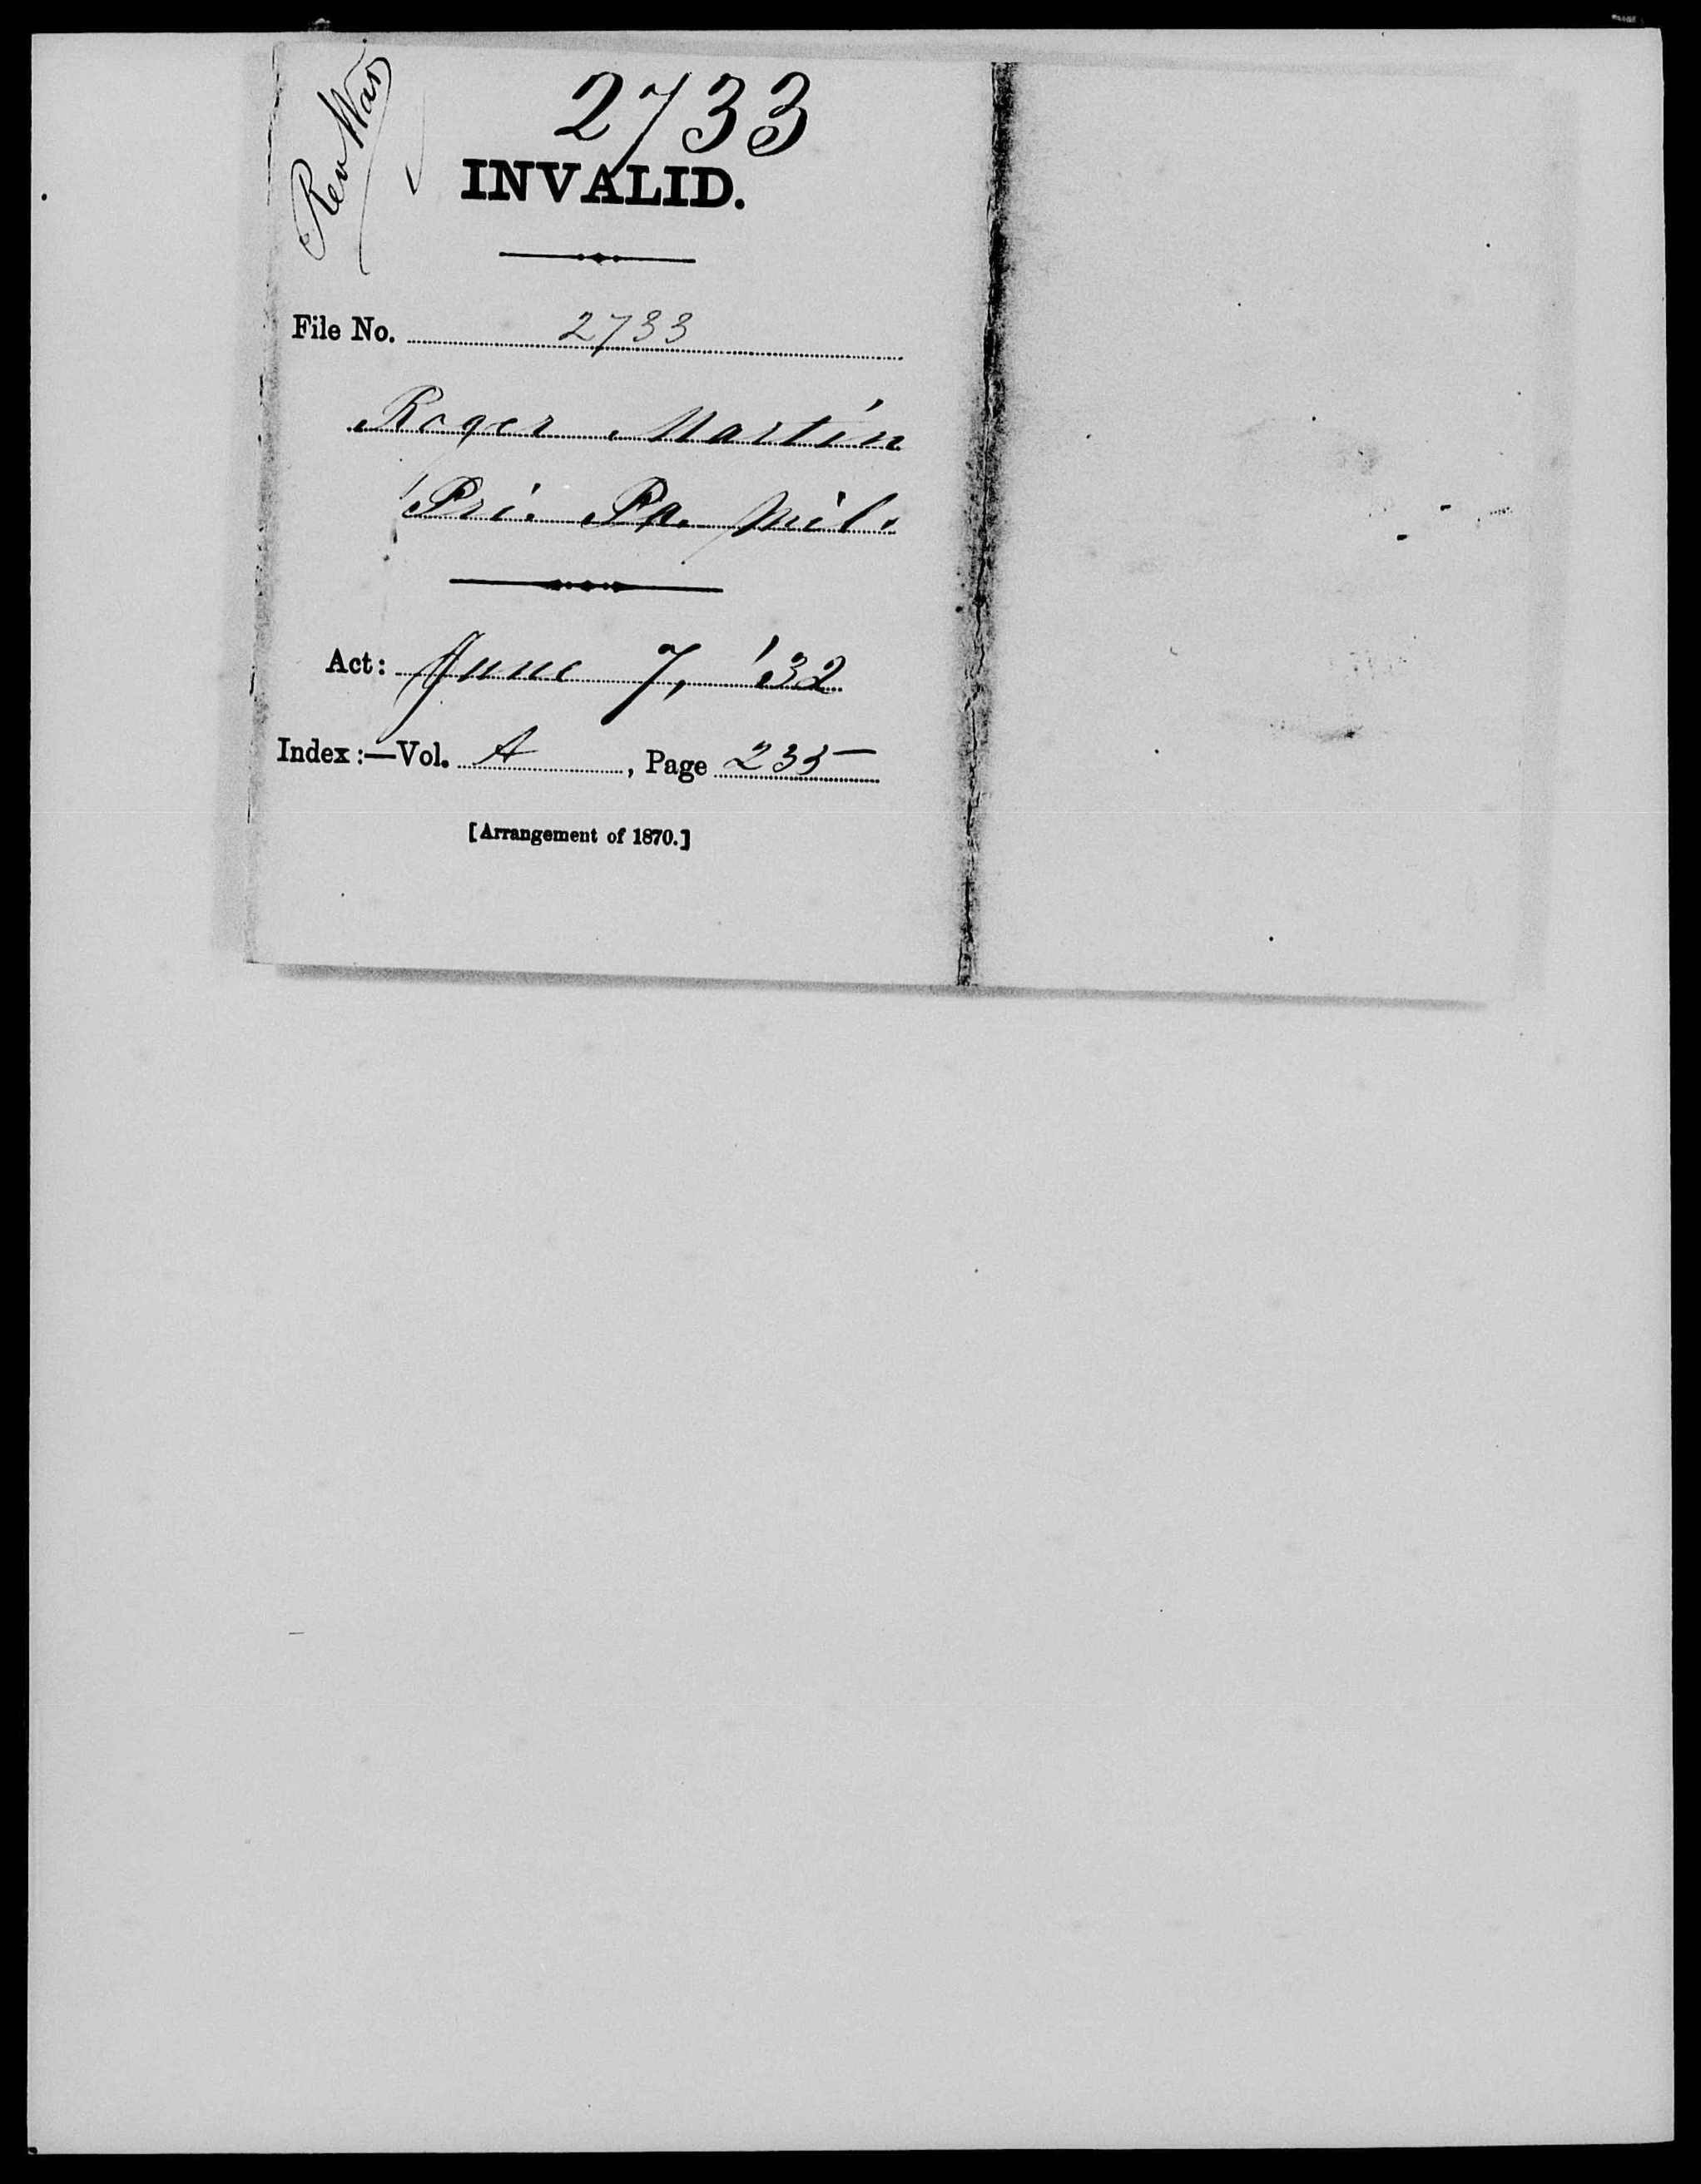2733
Rev War
INVALID

File No.  2733

Roger Martin
Priv.  Pa.   Mili. 

Act:  June 7,  '32
Index:-Vol.  A,  Page 235

(Arrangement of 1870.}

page: 5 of 12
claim: survivor's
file: S. 2733, for Roger Martin, Pennsylvania